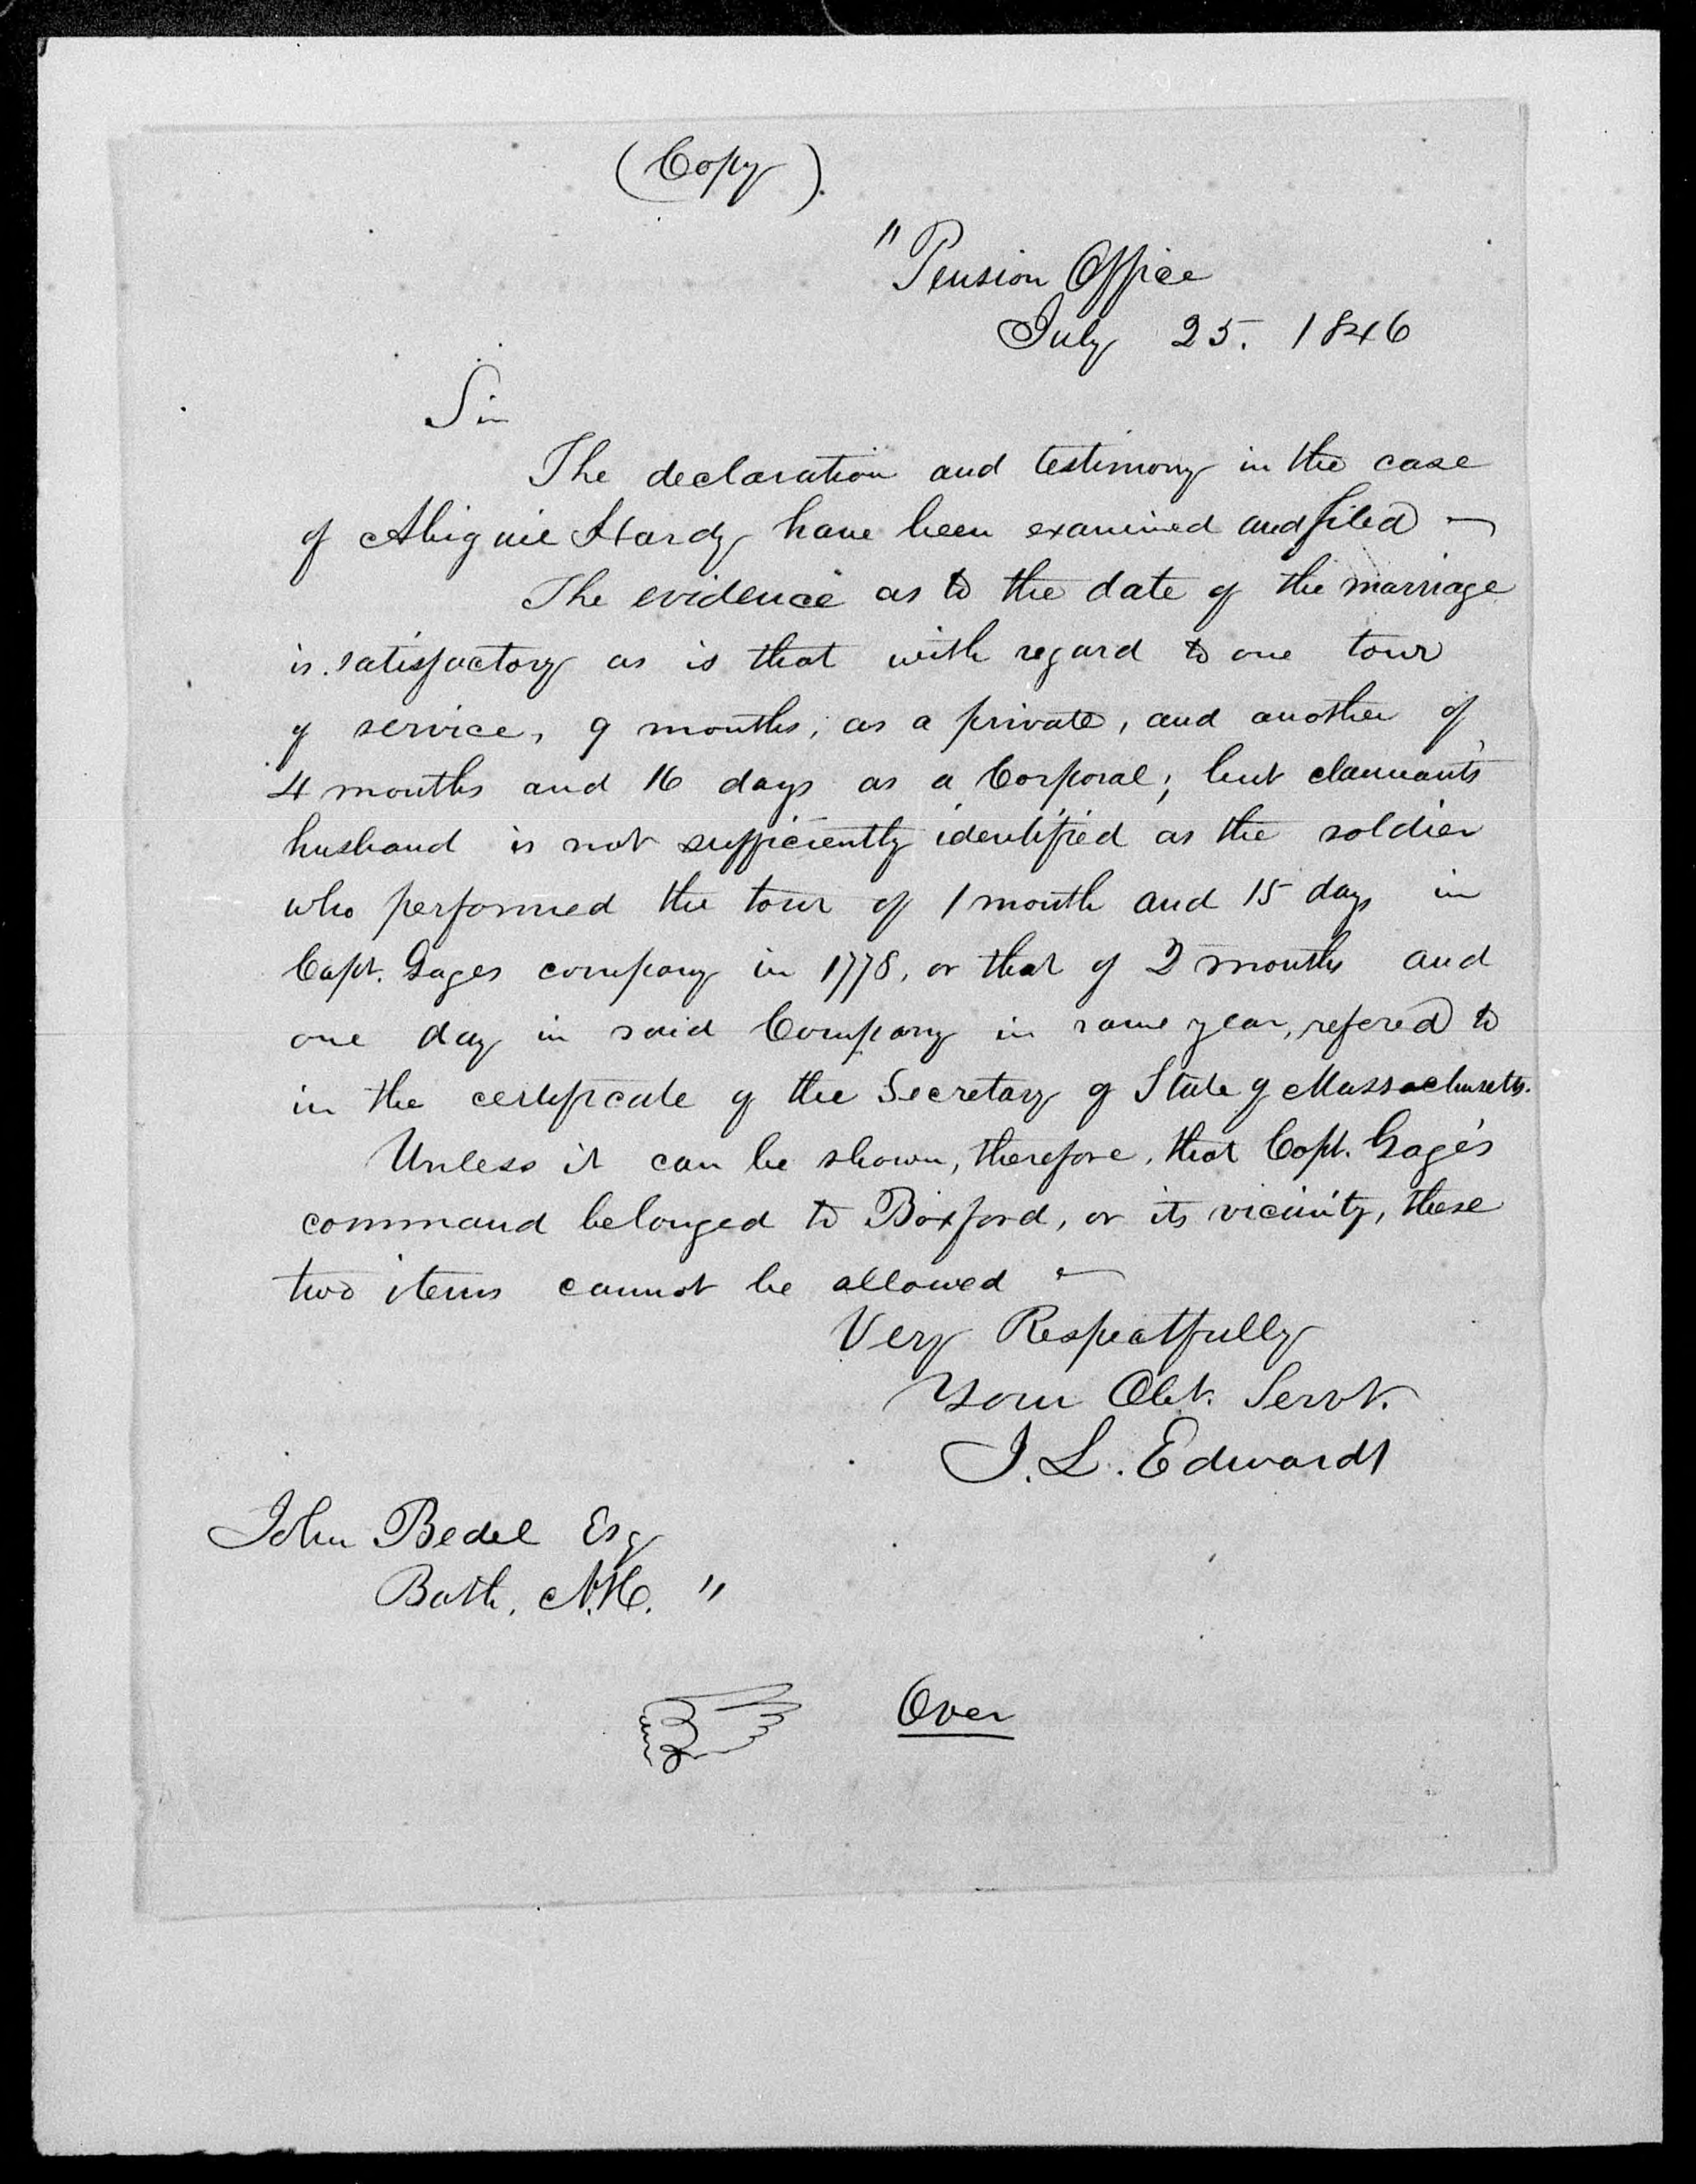(Copy)
Pension Office
July 25, 1846

Sir
The declaration and testimony in this case of Abigail Hardy have been examined and filed -
The evidence as to the date of the marriage is satisfactory as it the with regard to our tour of service, 9 months, as a private, and another of 4 months and 16 days as a corporal, but claimants' husband is not sufficiently identified as the soldier who performed the tour 1 month and 15 days in Capt. Gates company in 1778, or that of 2 months and one day in said company in same year , refered to in the certificate of the Secretary of State of Massachusetts.
Unless it can be shown, therefore, that Capt. Gates command belonged to Boxford, or its vicinity, these two items can not be allowed -
Very Respectfully
Your Obd. Servt.
J.L Edwards

John Bedel Esq
Bath,  NH

Over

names: Abigail Hardy, John Bedel, Gage, J L Edwards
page: 53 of 67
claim: widow's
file: W. 23183, Jesse Hardy, Mass.